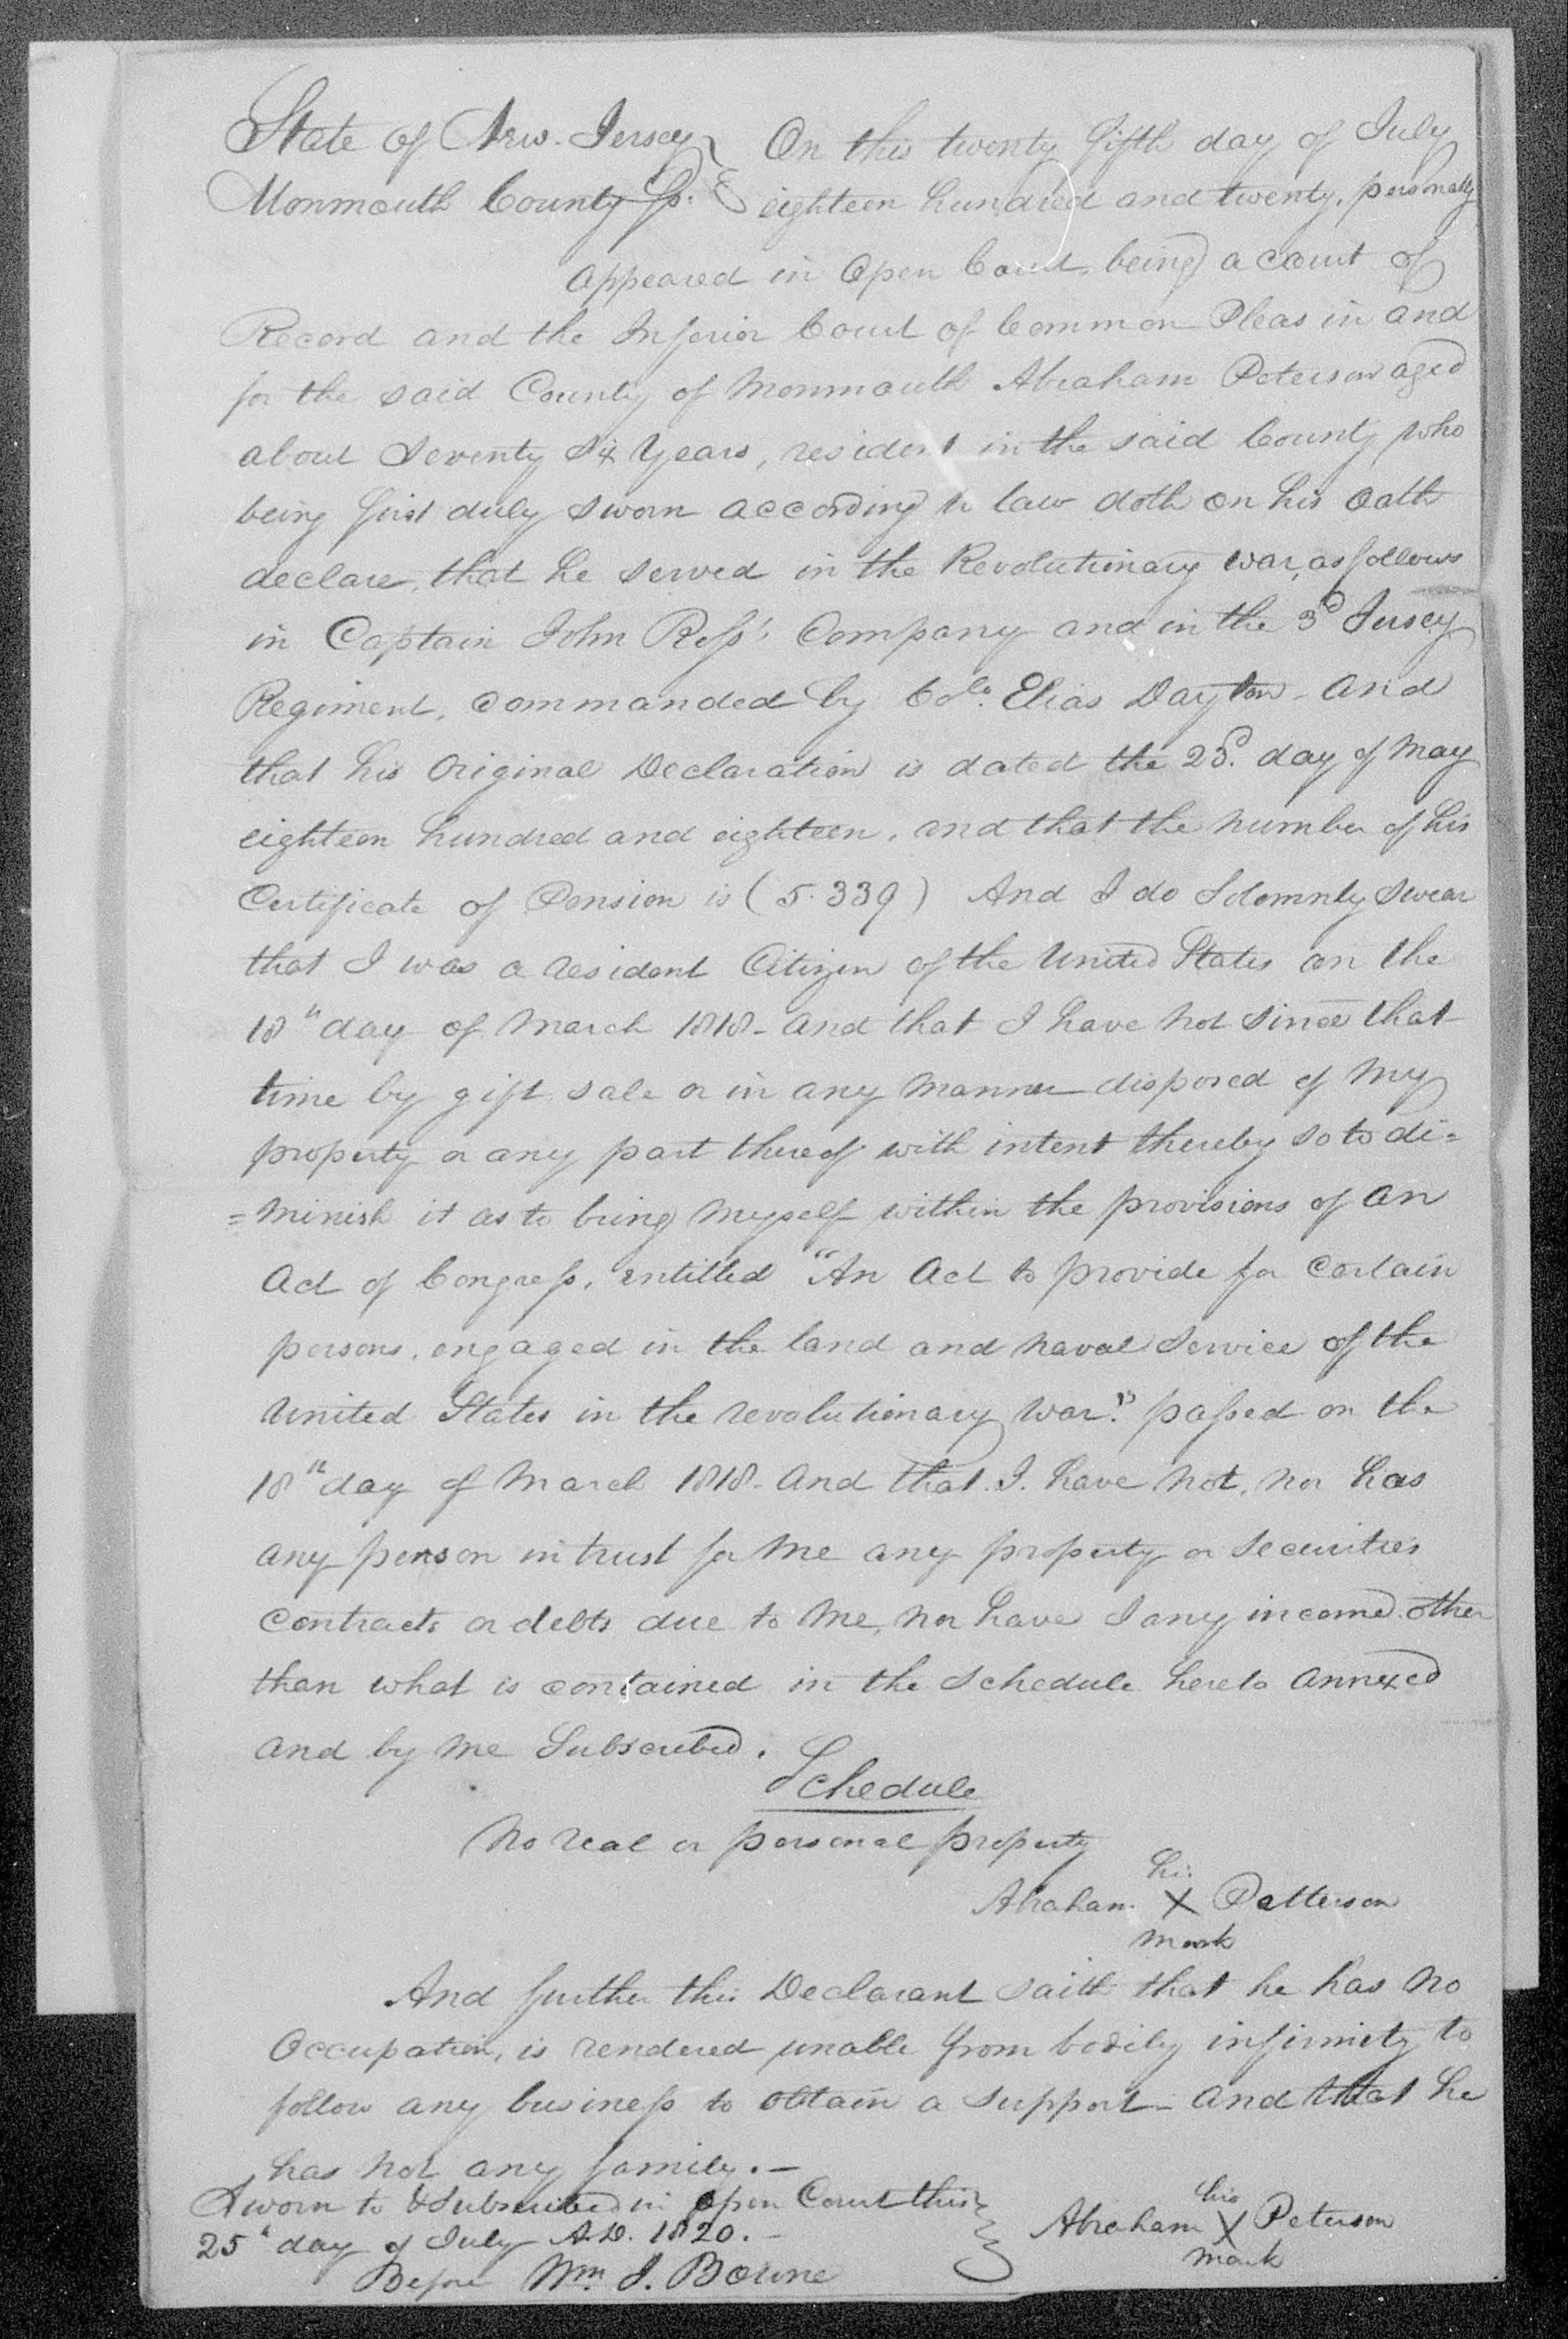State of New Jersey
Monmouth County ss.

On this twenty fifth day of July
 eighteen hundred and twenty, personally 
appeared in Open Court being a court of
Record and the Inferior Court of Common Pleas in and 
for the said County of Monmouth Abraham Peterson aged
above Seventy Six years, resident in the said County who
being first duly sworn according to law doth on his oath
declare that he served in the Revolutionary war, as follows
in Captain John Ross Company and in the 3d Jersey
Regiment, commanded by Col Elias Dayton and
that his Original Declaration is dated the 25 day of May
eighteen hundred and eighteen, and that the number of his
Certificate of Pension is (5.339) And I do Solemnly swear
that I was a resident Citizen of the United States on the
18th day of March 1818, and that I have not since that
time by gift sale or in any manner disposed of my
property or any part thereof with intent thereby so to 
diminish it as to bring myself within the provisions of an
act of Congress, entitled "An Act to provide for certain
persons engaged in the land and naval service of the
United States in the revolutionary war." passed on the
18th day of March 1818. And that I have not, nor has
any person in trust for me any property or securities
contracts or debts due to me, nor have I any income other
than what is contained in the schedule hereto annexed
and by me Subscribed.

                                 Schedule
            No real or personal property

                                              his
                              Abraham   X  Patterson
                                              mark

And further this Declarant saith that he has no
occupation, is rendered unable from bodily infirmity to
follow any business to obtain a support and that he
has not any family.

Sworn to & subscribed in open Court this
25th day of July A.D. 1820.
Before Wm J. Bowne                              
                                               his
                              Abraham   X  Patterson
                                              mark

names: Wm J Bowne; Elias Dayton; Abraham Peterson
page: 8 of 12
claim: survivor's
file: S. 34,471, for Abraham Peterson, New Jersey